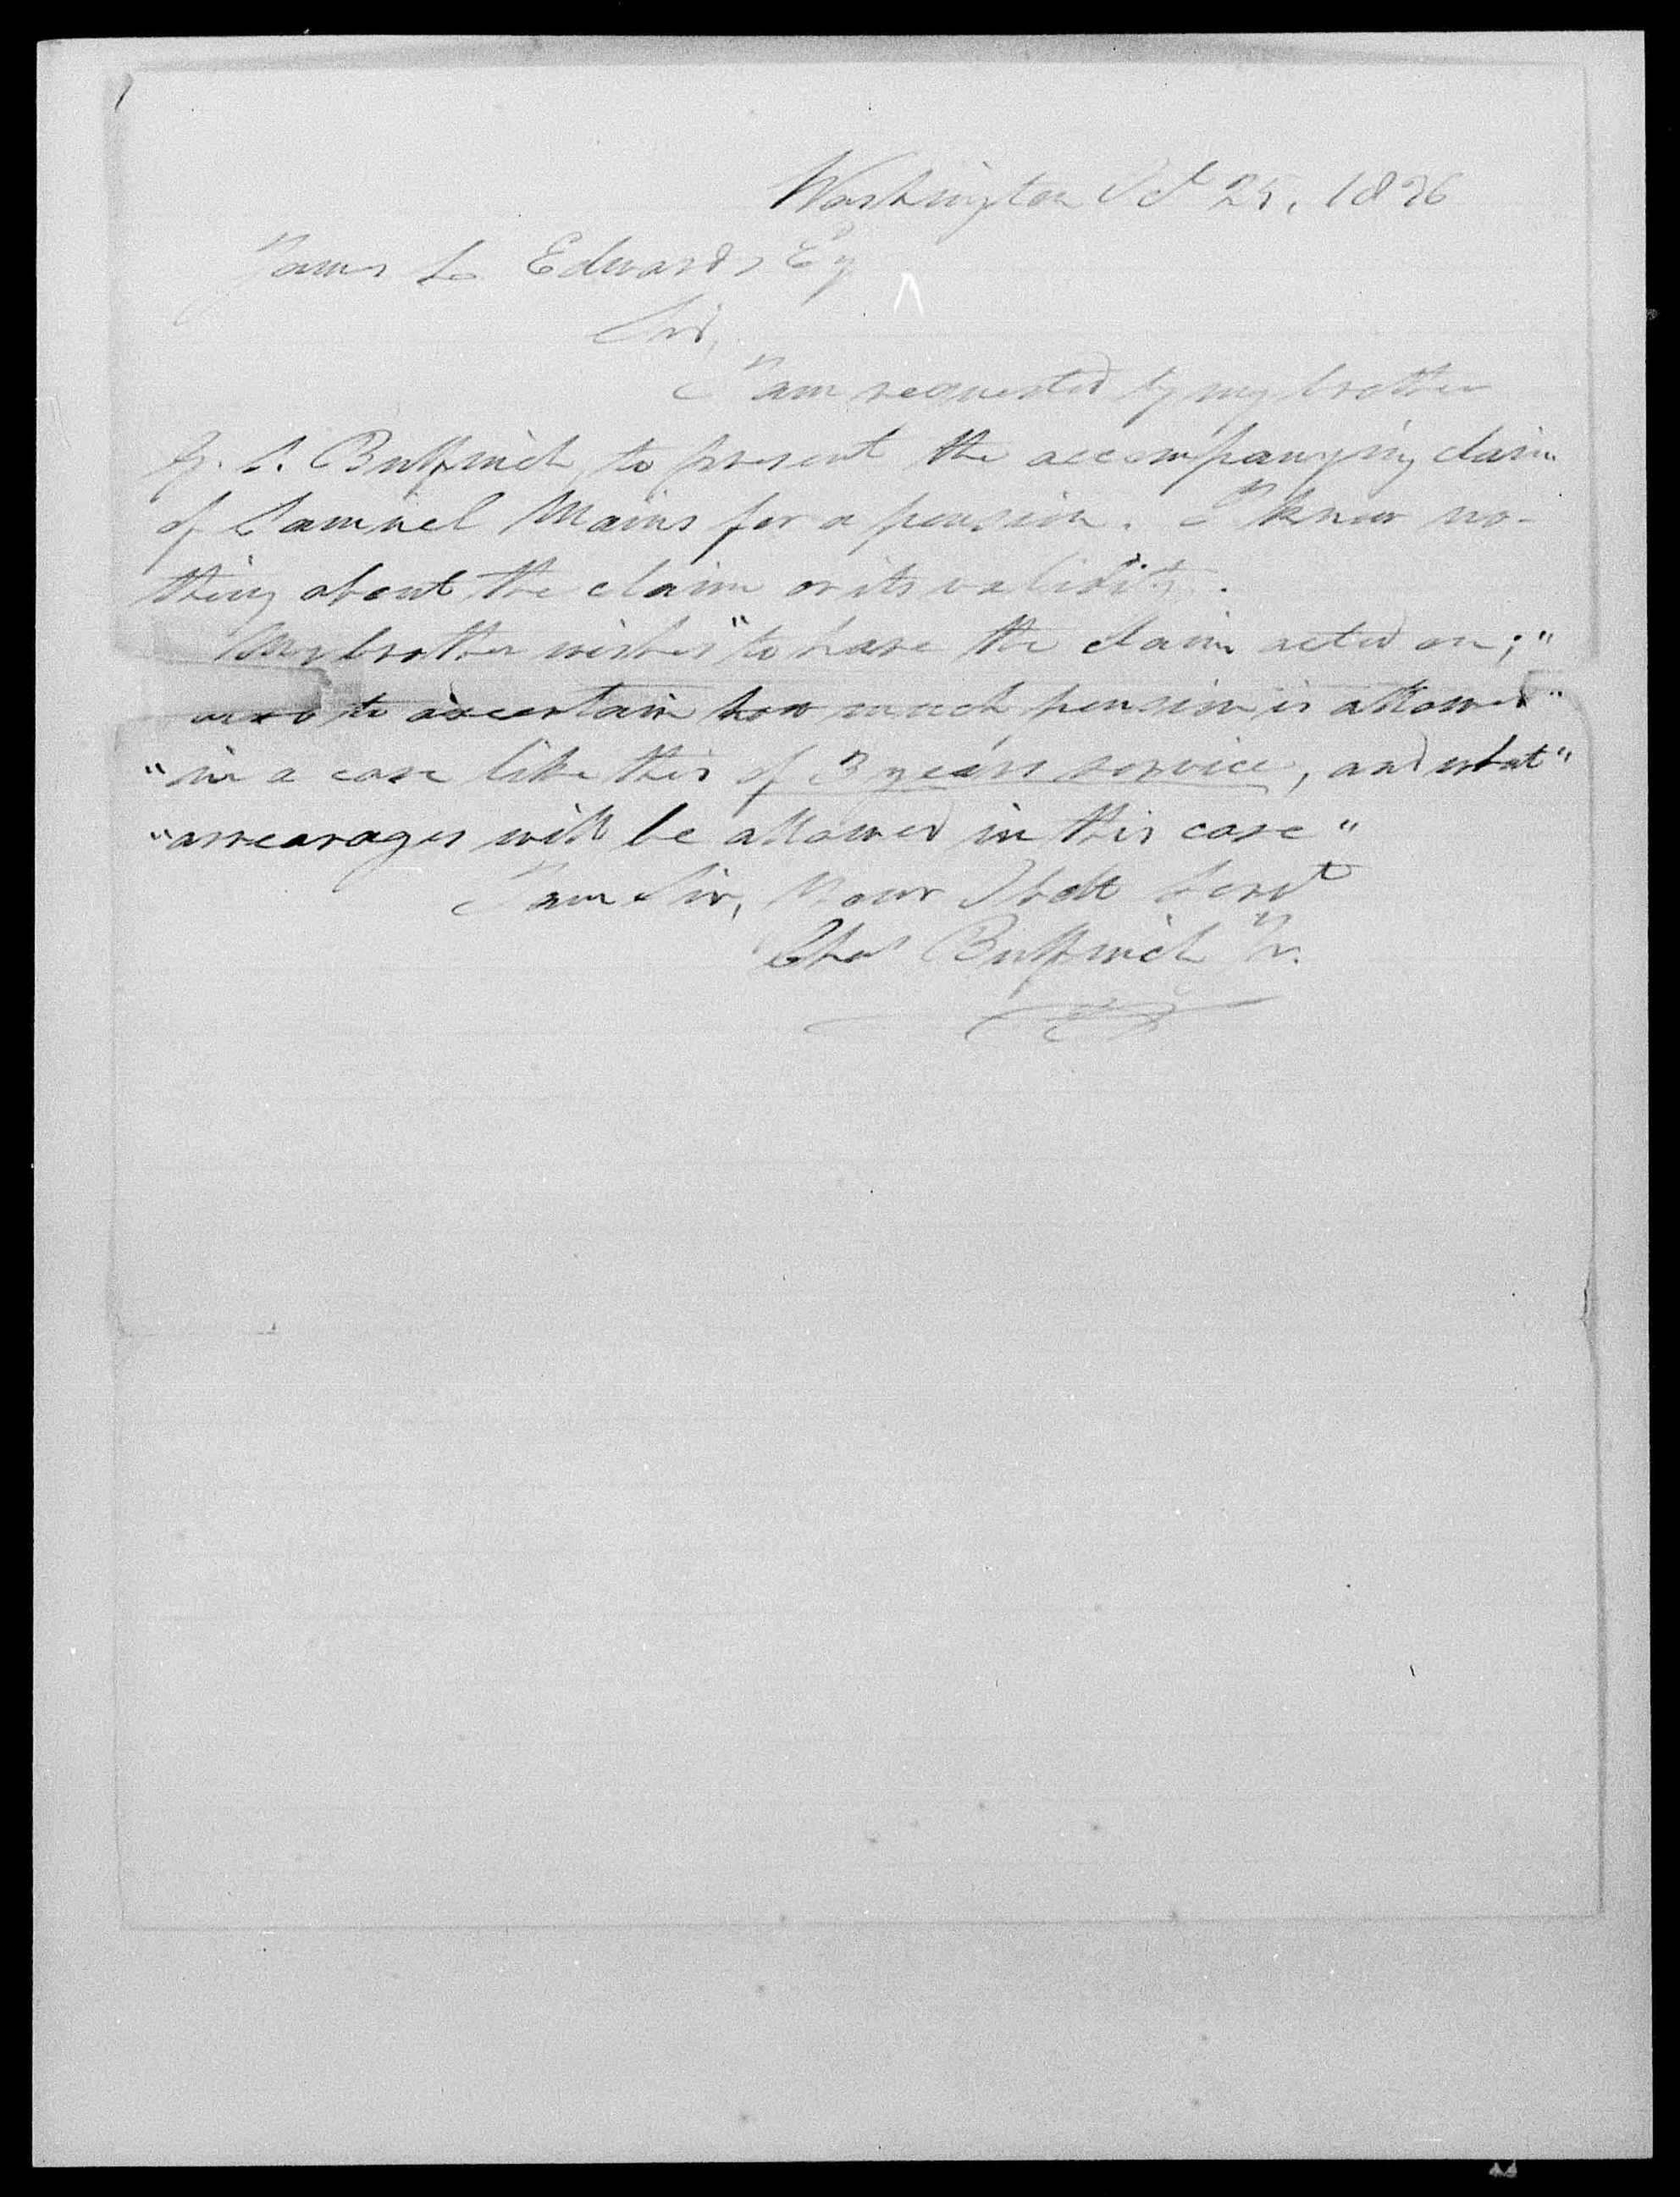Washington Oct 25, 1836

James L Edwards Esq

Sir,
I am requested by my brother
G.S. Bulfinch to present the accompanying claim
of Samuel Mains for a pension. I know nothing
about the claim or its validity.
My brother wishes "to have the claim acted on;"
and to ascertain how much pension is allowed
"in a case like this of 3 years service, and what"
"arrearages will be allowed in this case"
I am Sir, Your Obedt Servt
Chas Bulfinch Sr.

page: 10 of 11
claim: rejected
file: R 6837, for Samuel Mains, Maryland